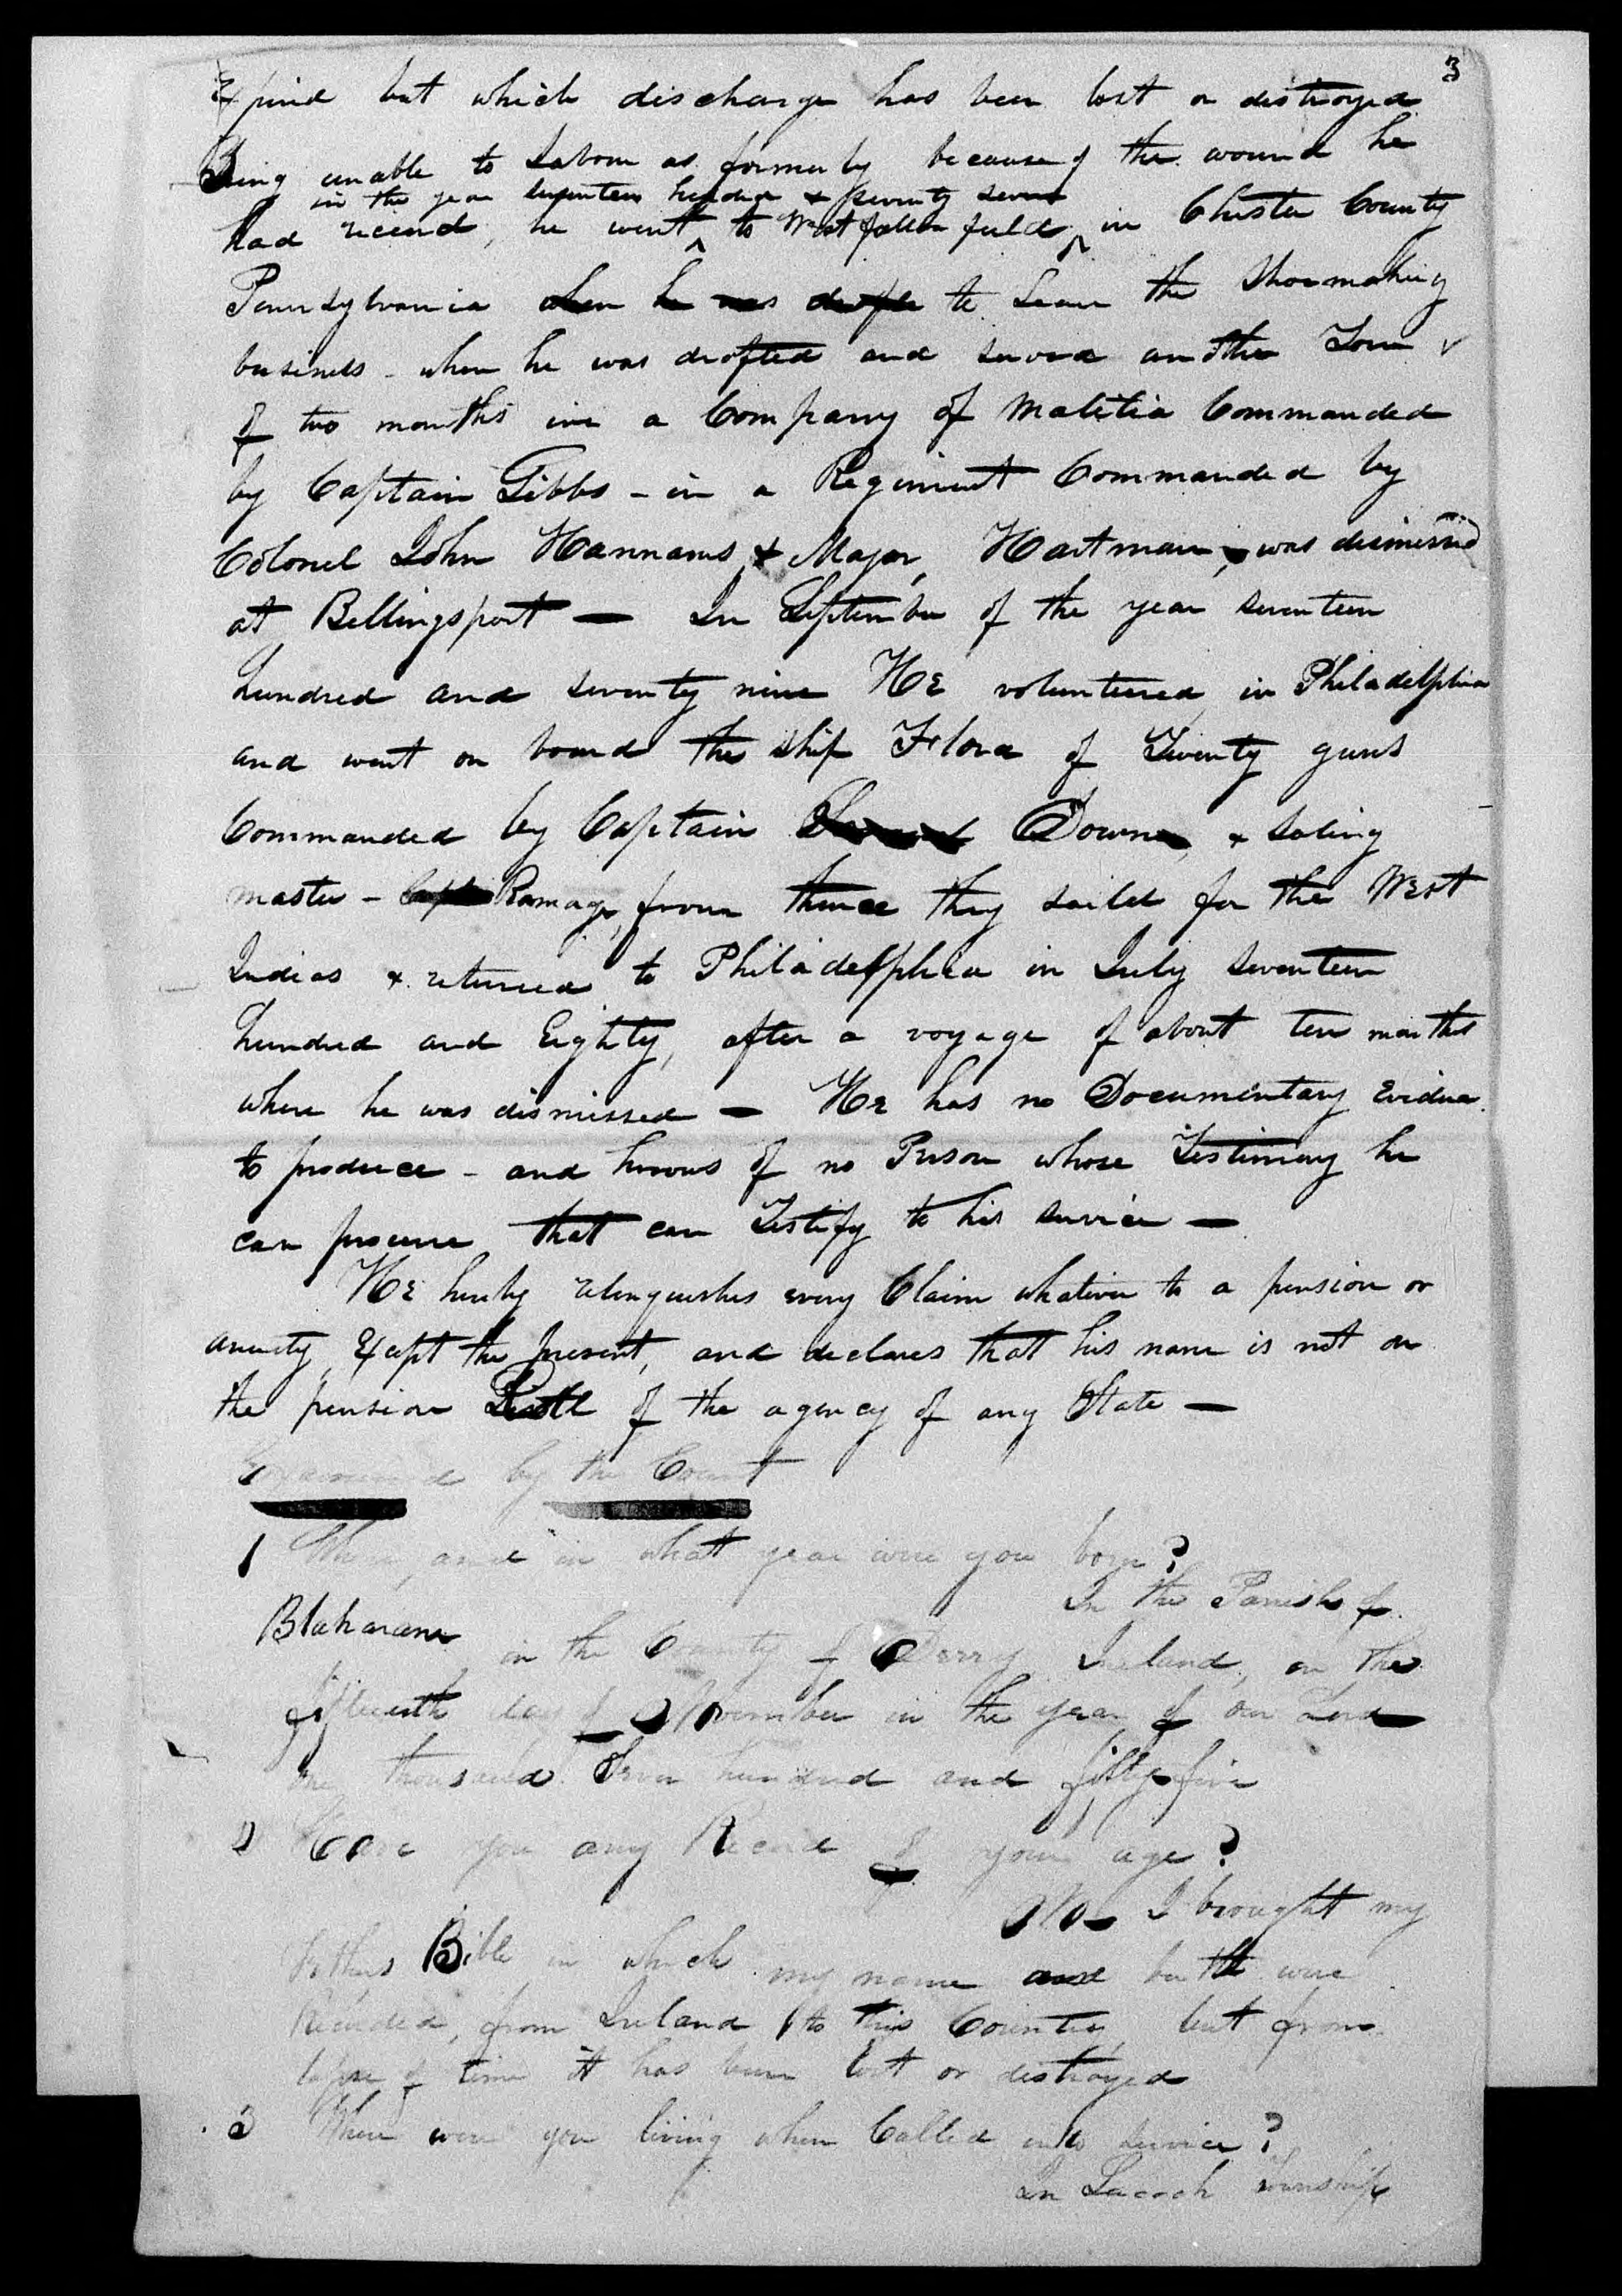find but which discharge has been lost or destroyed Being unable to labor as formerly because the wound he had in the received in the year seventeen hundred and seventy seven he went to Fort Follon field in Chester County Pennsylvania He served the Shoemaking business when he was drafted and served another tour of two months in a Company of Malitia Commanded by Colonel John Hammond and Major Hartman was dismissed at Billingsport In September of the year seventeen  hundred and seventy nine He volunteered in Philadelphia and went on board the ship Flora of Twenty guns Commanded by Captain Down and Sailing master ramage from thence the sailed for the North Indies and volunteered and returned to Philadelphia in July Seventeen Hundred and Eighty after a voyage of almost ten months where he was dismissed He has no documentary evidence to produce and know of no person whose Testimony he can prove that can Testify to his service. He hereby relinquishes any claim whatsoever to a pension or annuity except the present and declares that his name is not on the pension Roll of the Agency or any State
Examined by the Court
Then and in what year were you born? In the Parish of Blackaran in the County of Derry Ireland on the one thousand seven hundred  and fifty five 
Can you any record of your age? No, I brought my Fathers Bible in which my name and birth were recorded from Ireland to this County but from lapse of time it has been lost or destroyed 
Where were you living when called into service? In Lacroch Township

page: 9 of 41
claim: survivor's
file: S. 4585, for William Lyons, Pennsylvania